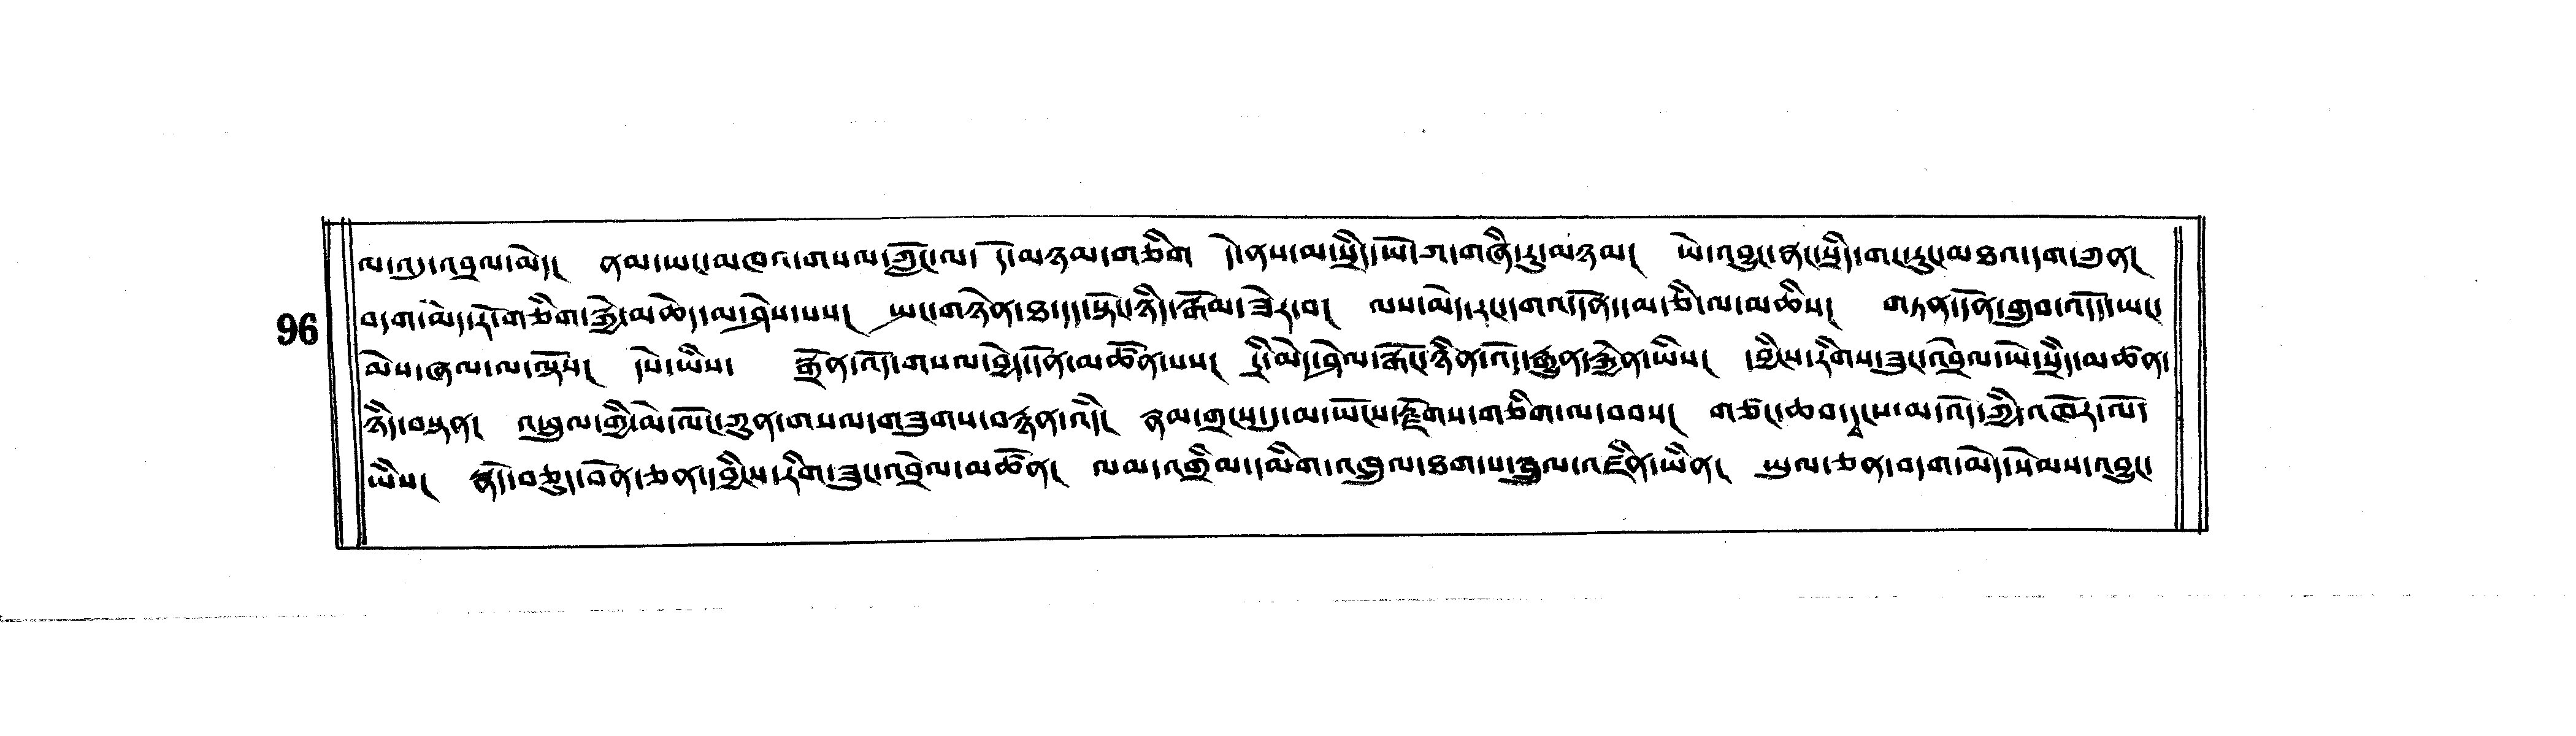ལ་འདུ་འབྲལ་མེད། ནམ་ཡང་མཁའ་གསལ་ཀློང་ལ་དོ་མཉམ་གཅིག དེ་ནས་མ་སྲིད་ཡོ་ཀ་གཞི་རུ་མཉམ། ཡེ་འབྱུང་སྣང་སྲིད་གང་རུང་མཐའ་དག་ཀུན། 
བདག་མེད་རོ་གཅིག་སྐྱེ་མཆེད་མ་ཤེས་པས། སྤང་གཉེན་ཐ་དད་སྟོང་ཉིད་སྒོམ་ཟེར་བ། ལས་མེད་རང་དགའ་དོན་དམ་ཅི་ལ་མཆིས། གཏན་དོན་གྲུབ་འདོད་ཡང་
མེས་ཞལ་ལ་ལྟོས། དཔེ་ཡིས་ སྒྲོན་འོད་གསལ་བྱེད་དོན་མཚོན་པས། དྲི་མེད་ཤེལ་སྒོང་ཉི་འོད་རྒྱུ་རྐྱེན་ཡིན། དབྱིངས་རིག་ཟུང་འབྲེལ་ཡེ་སྲིད་མཚན་
ཉིད་བསྟན། འཕྲུལ་གྱི་མེ་ལོང་ཀུན་གསལ་གཟུགས་བརྙན་འདི། རྣམ་གྲངས་དུ་མ་ཡོངས་རྫོགས་གཅིག་ལ་བབས། གཙང་ཆབ་དང་མ་འོད་ཀྱི་འཁོར་ལོ་
ཡིས། སྣོད་བཅུད་བོན་ཅན་དབྱིངས་རིག་ཟུང་འབྲེལ་མཚོན། ལམ་འགྲིམ་མིག་འཕྲུལ་ཐག་པ་སྦྲུལ་འཛིན་ཡིན། ཡུལ་ཅན་བདག་མེད་སེམས་འབྱུང་